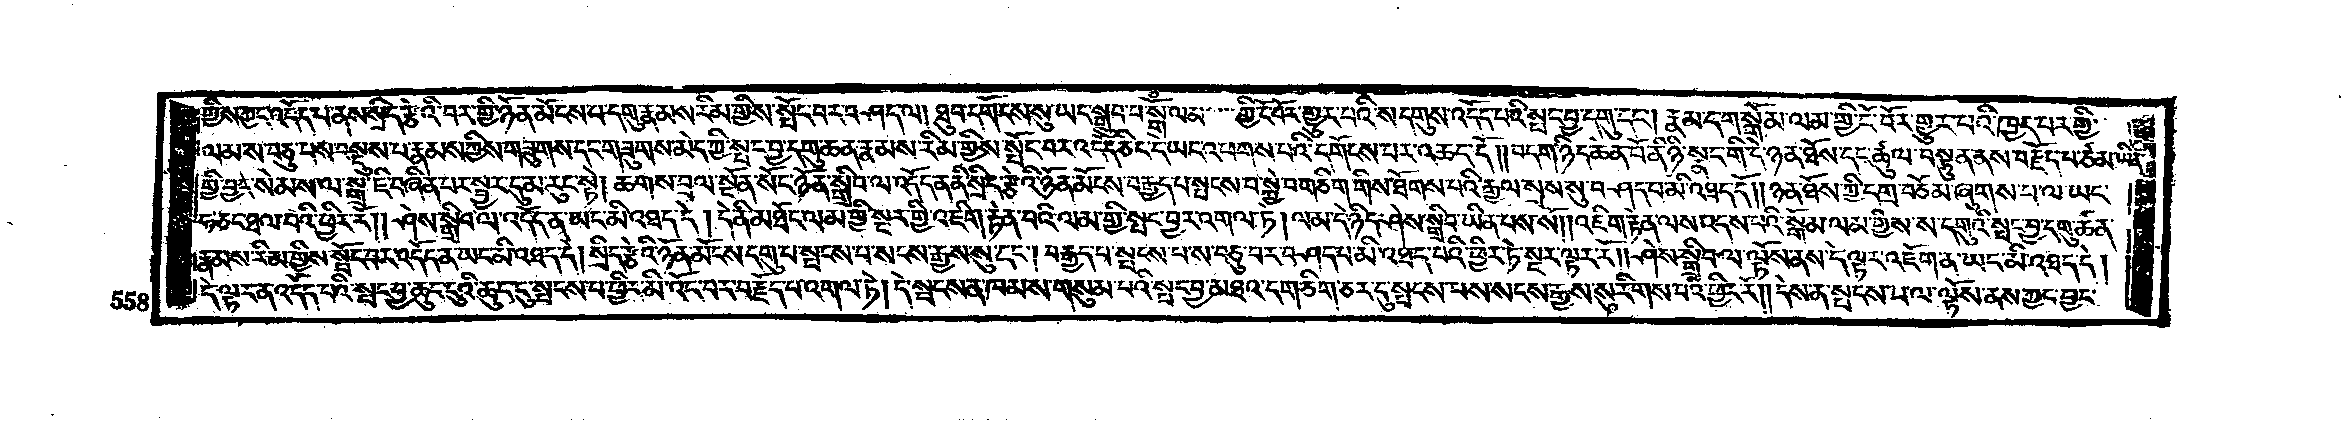ཀྱིས་ཀྱང་འདོད་པ་ནས་སྲིད་རྩེའི་བར་གྱི་ཉོན་མོངས་པ་དགུ་རྣམས་རིམ་གྱིས་སྤོང་བར་བཤད་ལ། ཐུབ་དགོངས་སུ་ཡང་སྒྲུབ་པ་སྒོཾ་ལམ་གྱི་ངོ་བོར་གྱུར་པའི་ས་དགུས་འདོད་པའི་སྤང་བྱ་དགུ་དང་། རྣམ་དག་སྒོམ་ལམ་གྱི་ངོ་བོར་གྱུར་པའི་ཁྱད་པར་གྱི་
ལམ་ས་བཅུ་པས་བསྡུས་པ་རྣམས་ཀྱིས་གཟུགས་དང་གཟུགས་མེད་ཀྱི་སྤང་བྱ་དགུ་ཆན་རྣམས་རིམ་གྱིས་སྤོང་བར་འདོད་ཅིང་ད་ཡང་འཕགས་པའི་དགོངས་པར་འཆད་དོ། །བདག་ཉིད་ཆེན་པོ་ནི་ཉི་སྣང་གི་དེ་ཉན་ཐོས་དང་ཚུལ་བསྟུན་ནས་བརྗོད་པ་ཙམ་ཡིན་
གྱི་བྱང་སེམས་ལ་སྒྲ་ཇི་བཞིན་པར་སྦྱར་དུ་མི་རུང་སྟེ། ཆགས་བྲལ་སྔོན་སོང་ཉོན་སྒྲིབ་པ་ལ་འདོད་ན་ནི་སྲིད་རྩེའི་ཉོན་མོངས་བརྒྱད་པ་སྤངས་པ་སྐྱེ་བ་གཅིག་གིས་ཐོགས་པའི་རྒྱལ་སྲས་སུ་བཤད་པ་མི་འཐད་དོ། །ཉན་ཐོས་ཀྱི་དགྲ་བཅོམ་ཞུགས་པ་ལ་ཡང་
ཧ་ཅང་ཐལ་བའི་ཕྱིར་རོ། །ཤེས་སྒྲིབ་ལ་འདོད་ན་ཡང་མི་འཐད་དེ། དེ་ནི་མཐོང་ལམ་གྱི་སྔར་གྱི་འཇིག་རྟེན་པའི་ལམ་གྱི་སྤང་བྱར་འགལ་ཏེ། ལམ་དེ་ཉིད་ཤེས་སྒྲིབ་ཡིན་པས་སོ། །འཇིག་རྟེན་ལས་འདས་པའི་སྒོམ་ལམ་གྱིས་ས་དགུའི་སྤང་བྱ་དགུ་ཚན་
རྣམས་རིམ་གྱིས་སྤོང་བར་འདོད་ན་ཡང་མི་འཐད་དེ། སྲིད་རྩེའི་ཉོན་མོངས་དགུ་པ་སྤངས་པ་སངས་རྒྱས་སུ་དང་། བརྒྱད་པ་སྤངས་པ་ས་བཅུ་པར་བཤད་པ་མི་འཐད་པའི་ཕྱིར་ཏེ་སྔར་ལྟར་རོ། །ཤེས་སྒྲིབ་ལ་ལྟོས་ནས་དེ་ལྟར་འཇོག་ན་ཡང་མི་འཐད་དེ།
དེ་ལྟར་ན་འདོད་པའི་སྤང་བྱ་ཆུང་ངུའི་ཆུང་ངུ་སྤངས་པ་ཕྱིར་མི་འོང་བར་བརྗོད་པ་འགལ་ཏེ། དེ་སྤངས་ན་ཁམས་གསུམ་པའི་སྤང་བྱ་མཐའ་དག་ཅིག་ཅར་དུ་སྤངས་པས་སངས་རྒྱས་སུ་རིགས་པའི་ཕྱིར་རོ། །དེས་ན་སྤངས་པ་ལ་ལྟོས་ནས་ཀྱང་བྱང་